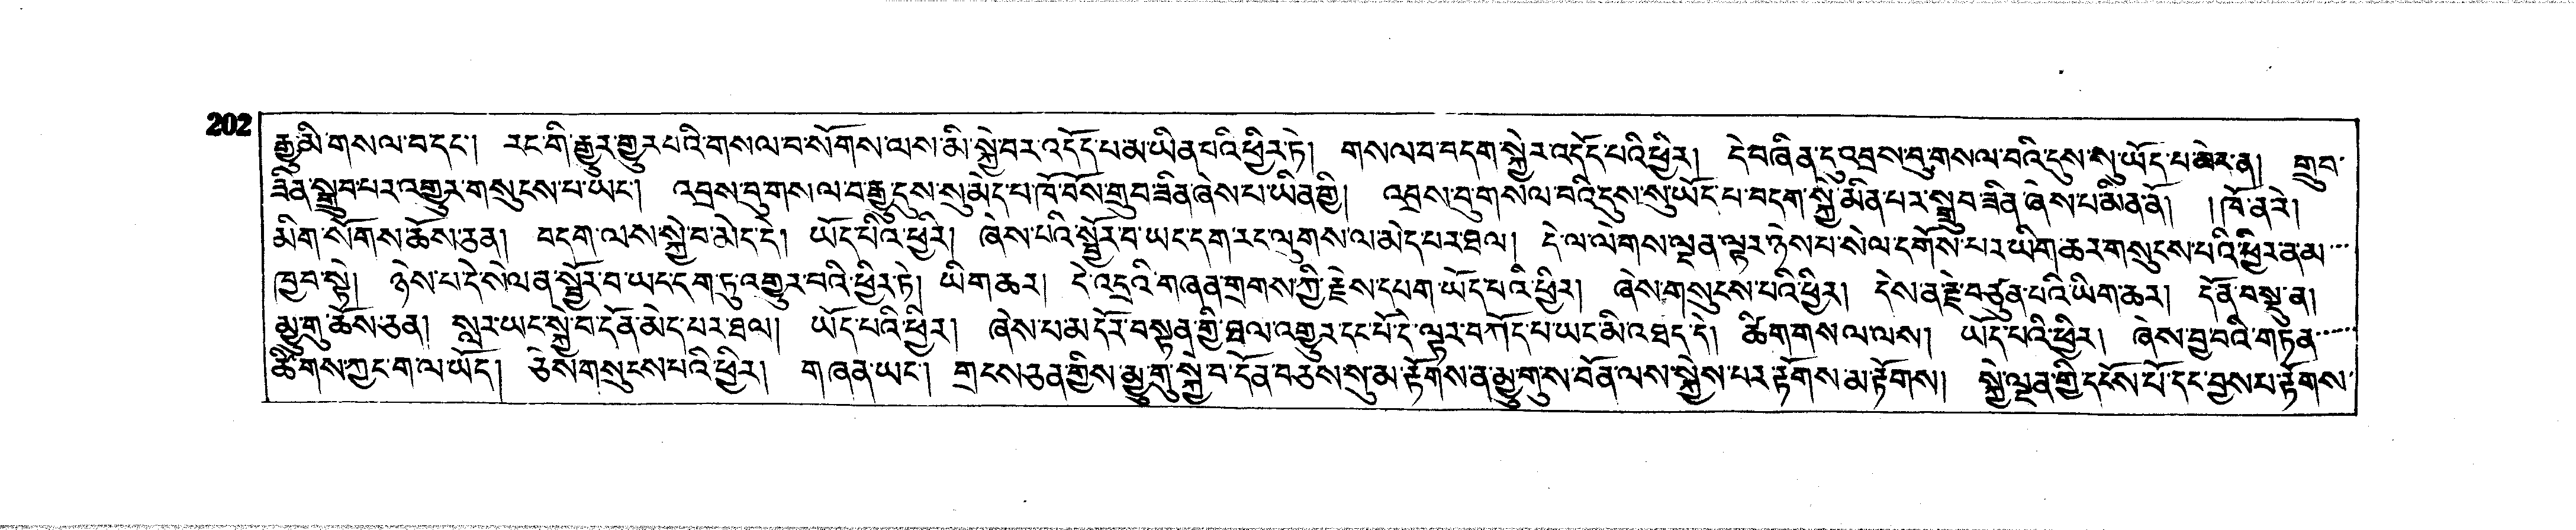རྒྱུ་མི་གསལ་བ་དང་། རང་གི་རྒྱུར་གྱུར་པའི་གསལ་བ་སོགས་ལས་མི་སྐྱེ་བར་འདོད་པ་མ་ཡིན་པའི་ཕྱིར་ཏེ། གསལ་བ་བདག་སྐྱེར་འདོད་པའི་ཕྱིར། དེ་བཞིན་དུ་འབྲས་བུ་གསལ་བའི་དུས་སུ་ཡོད་པ་ཟེར་ན། གྲུབ་
ཟིན་སྒྲུབ་པར་འགྱུར་གསུངས་པ་ཡང་། འབྲས་བུ་གསལ་བ་རྒྱུ་དུས་སུ་མེད་པ་ཁོ་བོས་གྲུབ་ཟིན་ཞེས་པ་ཡིན་གྱི། འབྲས་བུ་གསལ་བའི་དུས་སུ་ཡོད་པ་བདག་སྐྱེ་མིན་པར་སྒྲུབ་ཟིན་ཞེས་པ་མིན་ནོ། །ཁོ་ན་རེ།
མིག་སོགས་ཆོས་ཅན། བདག་ལས་སྐྱེ་བ་མེད་དེ། ཡོད་པའི་ཕྱིར། ཞེས་པའི་སྦྱོར་བ་ཡང་དག་རང་ལུགས་ལ་མེད་པར་ཐལ། དེ་ལ་ལེགས་ལྡན་ལྟར་ཉེས་པ་སེལ་དགོས་པར་ཡིག་ཆར་གསུངས་པའི་ཕྱིར་ན་མ་
ཁྱབ་སྟེ། ཉེས་པ་དེ་སེལ་ན་སྦྱོར་བ་ཡང་དག་ཏུ་འགྱུར་བའི་ཕྱིར་ཏེ། ཡིག་ཆར། དེ་འདྲའི་གཞན་གྲགས་ཀྱི་རྗེས་དཔག་ཡོད་པའི་ཕྱིར། ཞེས་གསུངས་པའི་ཕྱིར། དེས་ན་རྗེ་བཙུན་པའི་ཡིག་ཆར། དོན་བསྡུ་ན།
མྱུ་གུ་ཆོས་ཅན། སླར་ཡང་སྐྱེ་བ་དོན་མེད་པར་ཐལ། ཡོད་པའི་ཕྱིར། ཞེས་པ་མདོར་བསྟན་གྱི་ཐལ་འགྱུར་དང་པོ་དེ་ལྟར་བཀོད་པ་ཡང་མི་འཐད་དེ། ཚིག་གསལ་ལས། ཡོད་པའི་ཕྱིར། ཞེས་བྱ་བའི་གཏན་
ཚིགས་ཀྱང་ག་ལ་ཡོད། ཅེས་གསུངས་པའི་ཕྱིར། གཞན་ཡང་། གྲངས་ཅན་གྱིས་མྱུ་གུ་སྐྱེ་བ་དོན་བཅས་སུ་མ་རྟོགས་ན་མྱུ་གུ་ས་བོན་ལས་སྐྱེས་པར་རྟོགས་མ་རྟོགས། སྐྱེ་ལྡན་གྱི་དངོས་པོ་དང་བྱས་པ་རྟོགས་